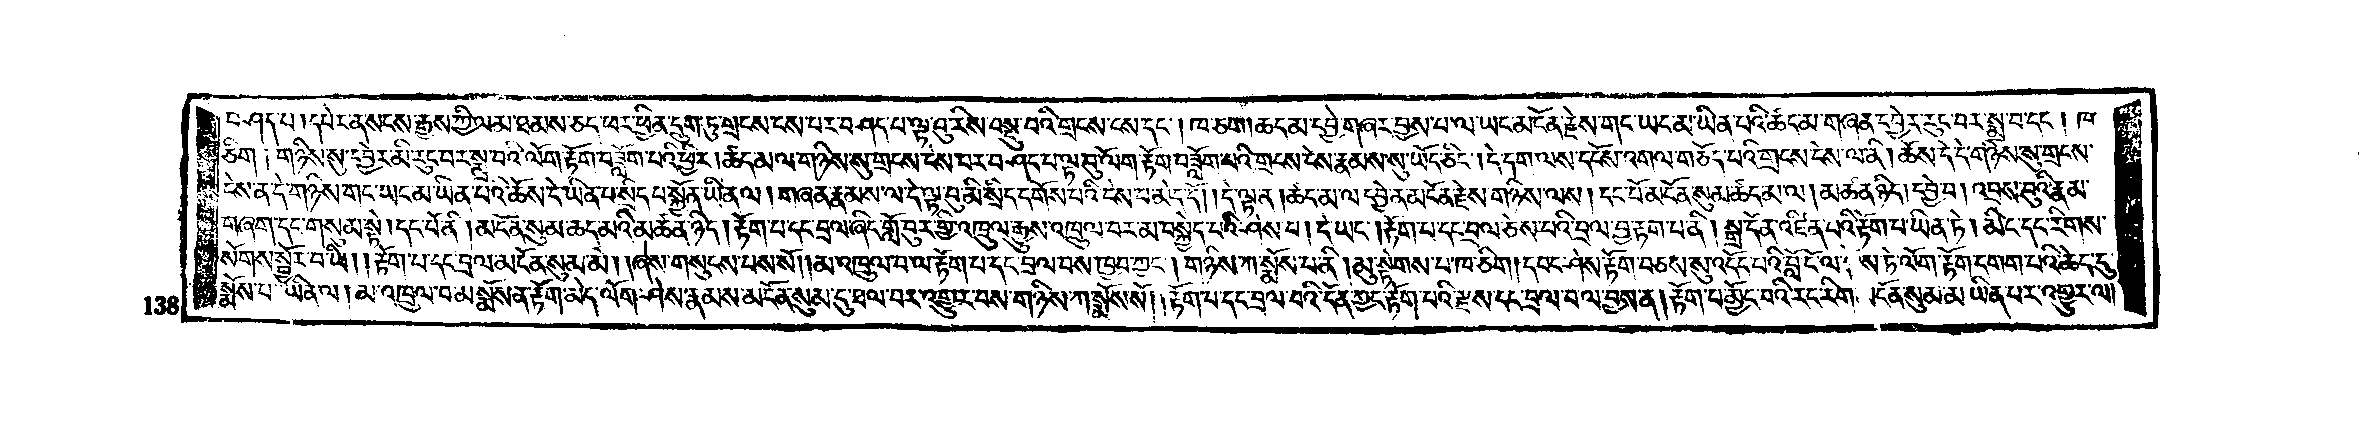བཤད་པ། དཔེར་ན་སངས་རྒྱས་ཀྱི་ལམ་ཐམས་ཅད་ཕར་ཕྱིན་དྲུག་ཏུ་གྲངས་ངེས་པར་བཤད་པ་ལྟ་བུ་རིས་བསྡུ་བའི་གྲངས་ངས་དང་། ཁ་ཅིག །ཚད་མ་དབྱེ་གཞིར་བྱས་པ་ལ་ཡང་མངོན་རྗེས་གང་ཡང་མ་ཡིན་པའི་ཚད་མ་གཞན་དབྱེར་རུང་བར་སྨྲ་བ་དང་། ཁ་
ཅིག །གཉིས་སུ་དབྱར་མི་རུང་བར་སྨྲ་བའི་ལོག་རྟོག་བཟློག་པའི་ཕྱིར། ཚད་མ་ལ་གཉིས་སུ་གྲངས་ངེས་པར་བཤད་པ་ལྟ་བུ་ལོག་རྟོག་བཟློག་པའི་གྲངས་ངེས་རྣམས་སུ་ཡོད་ཅིང་། དེ་དག་ལས་དངོས་འགལ་གཅོད་པའི་གྲངས་ངེས་ལ་ནི། ཆོས་དེ་དེ་གཉིས་སུ་གྲངས་
ངེས་ན་དེ་གཉིས་གང་ཡང་མ་ཡིན་པའི་ཆོས་དེ་ཡིན་པ་སྲིད་པ་སྐྱོན་ཡིན་ལ། གཞན་རྣམས་ལ་དེ་ལྟ་བུ་མི་སྲིད་དགོས་པའི་ངེས་པ་མེད་དོ། །དེ་ལྟ་ན། ཚད་མ་ལ་དབྱེ་ན་མངོན་རྗེས་གཉིས་ལས། དང་པོ་མངོན་སུམ་ཚད་མ་ལ། མཚན་ཉིད། དབྱེ་བ། འབྲས་བུའི་རྣམ་
གཞག་དང་གསུམ་སྟེ། དང་པོ་ནི། མངོན་སུམ་ཚད་མའི་མཚན་ཉིད། རྟོག་པ་དང་བྲལ་ཞིང་གློ་བུར་གྱི་འཁྲུལ་རྒྱུས་འཁྲུལ་བར་མ་བསྐྱེད་པའི་ཤེས་པ། ད་ཡང་། རྟོག་པ་དང་བྲལ་ཅེས་པའི་བྲལ་བྱ་རྟག་པ་ནི། སྒྲ་དོན་འཛིན་པའི་རྟོག་པ་ཡིན་ཏེ། མིང་དང་རིགས་
སོགས་སྦྱོར་བ་ཡི། །རྟོག་པ་དང་བྲལ་མངོན་སུམ་མེ། །ཞེས་གསུངས་པས་སོ། །མ་འཁྲུལ་བ་ལ་རྟོག་པ་དང་བྲལ་བས་ཁྱབ་ཀྱང་། གཉིས་ཀ་སྨོས་པ་ནི། མུ་སྟེགས་པ་ཁ་ཅིག། དབང་ཤེས་རྟོག་བཅས་སུ་འདོད་པའི་བློ་ངོ་ལ་ལྟོས་ཏེ་ལོག་རྟོག་དགག་པའི་ཆེད་དུ་
སྨོས་པ་ཡིན་ལ། མ་འཁྲུལ་བ་མ་སྨོས་ན་རྟོག་མེད་ལོག་ཤེས་རྣམས་མངོན་སུམ་དུ་ཐལ་བར་འགྱུར་བས་གཉིས་ཀ་སྨོས་སོ། །རྟོག་པ་དང་བྲལ་བའི་དོན་ཀྱང་རྟོག་པའི་རྫས་དང་བྲལ་བ་ལ་བྱས་ན། རྟོག་པ་མྱོང་བའི་རང་རིག་མངོན་སུམ་མ་ཡིན་པར་འགྱུར་ལ།